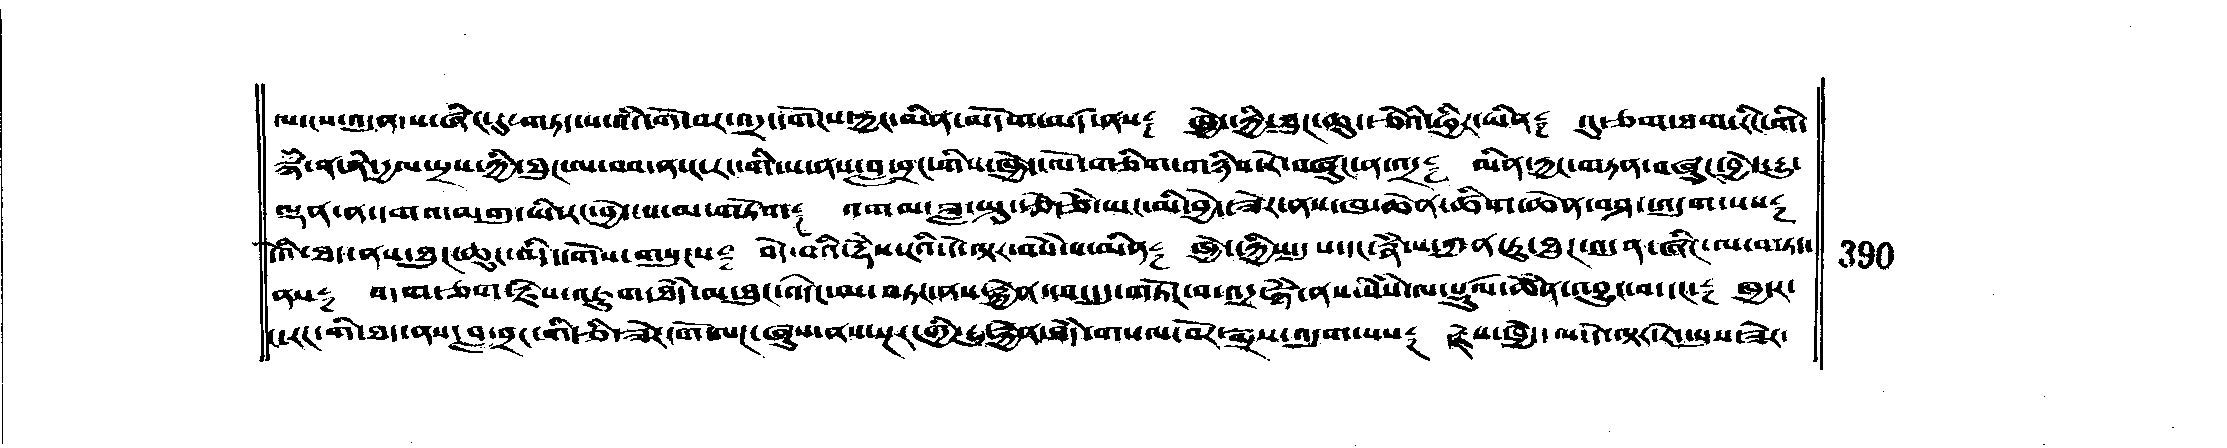ལ་ངས་འདུན་པ་ཞིང་དུ་གཏད་པ་འདི་གོ་བར་འདྲ་དགོངས་ཀྱང་མིན་མདོག་མཛད་ནས། ཁྱེད་ཀྱི་ཐུགས་ཆུང་ཅིའི་ཕྱིར་ཡིན། འུ་ཅག་ཐག་རིང་གི་
སྙམ་ན་ནི་རྒྱལ་སྲས་ཀྱི་ཐུགས་ལ་བབ་ན་ང་རང་གི་ས་ནས་བླ་བྲང་གིས་ཁྱེད་ལོ་གཅིག་གཉིས་རེ་བཞུགས་ན་འདྲ། མིན་ཀྱང་གཏན་བཞུགས་བྱེད་རྒྱུ་
ལྡན་ན་དགའ་མགུ་ཡི་རང་བྱེད་པ་མ་གཏོགས། འགལ་ཟླ་སྤུ་རྩེ་ཙམ་ཡང་མི་བྱེད་ཟེར་ནས་ཁ་ཆེན་ཚིག་ཆེན་བཤད་འདུག་པས། 
དེའི་ཐད་ནས་ཐུགས་ཆུང་འདི་༼མི་?༽དགོས་གསུངས། བདེ་བའི་རྡོ་རྗེས་ངའི་དེ་ལྟར་བསམ་པ་མིན། ཁྱེད་ཀྱིས་དུས་དང་རྣམ་པ་ཀུན་ཏུ་ཐུགས་འདུན་ཞིང་ལ་གཏད་
ནས། བདག་ཅག་རྗེས་འཇུག་ཐམས་ཅད་ལ་ཐུགས་འདེང་མ་བཏང་ནས་རྐྱེན་དབང་དུ་གཏོང་བ་འདྲ་སྙམ་ནས་སེམས་ལ་སྡུག་བསྔལ་ཆེན་པོ་འབྱུང་བ་དང་། ཁྱད་པར་
ང་རང་གི་ཐད་ནས་བླ་བྲང་གི་ཅི་ཟེར་གོ་ལགས་ཞུས་ནས་སྔར་གྱི་རྒྱུ་རྐྱེན་ཐམས་ཅད་གསལ་པོར་སྨྲས་འདུག་པས། རྗེས་ཁྱེད་ལ་དེ་ལྟར་རེད་སུས་ཟེར་